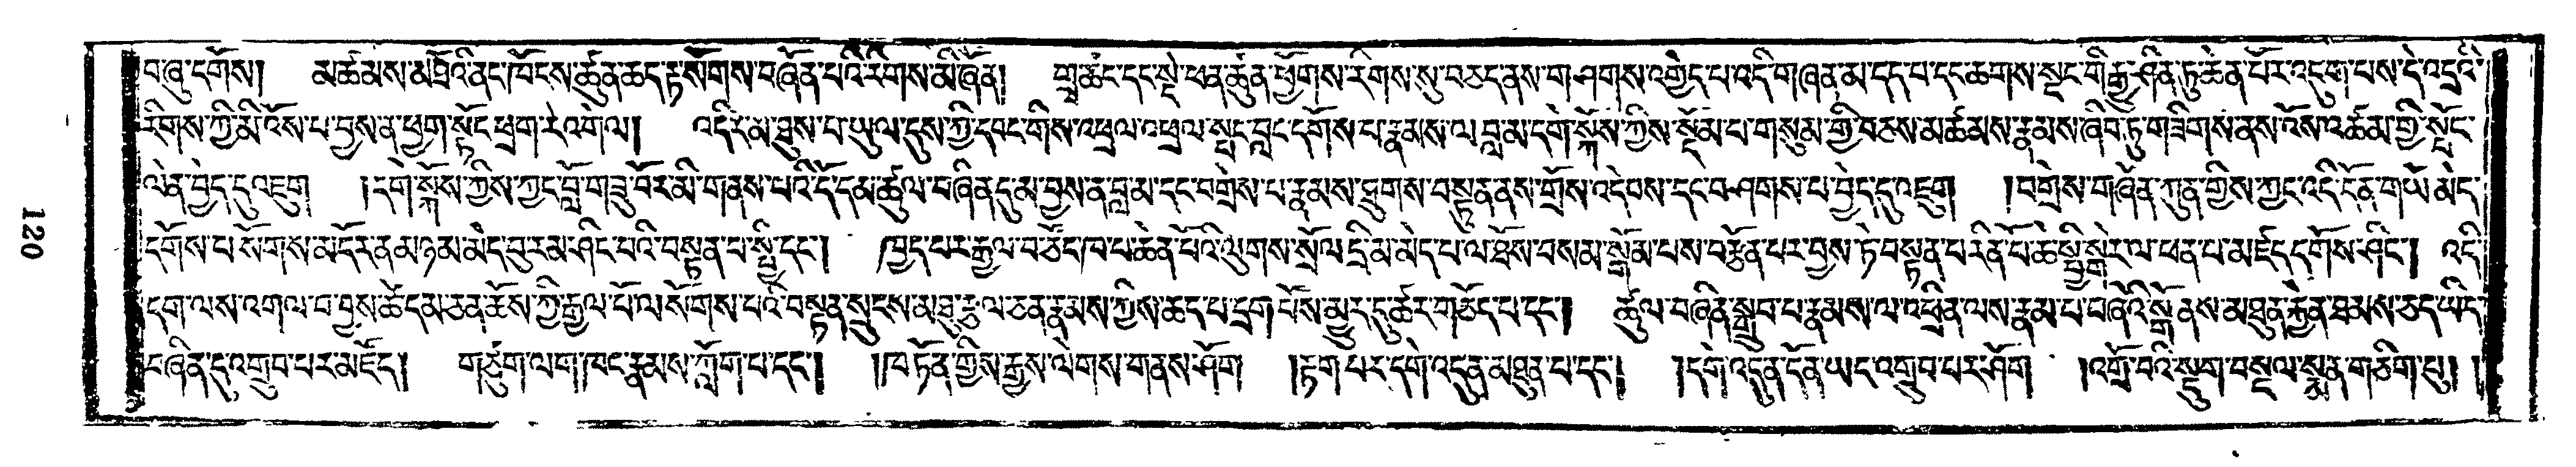བ་ཞུ་དགོས། མཚམས་མཐོའི་ནང་ཁོངས་ཚུན་ཆད་རྟ་སོགས་བཞོན་པའི་རིགས་མི་ཞོན། གྲྭ་ཚང་དང་སྡེ་ཕན་ཚུན་ཕྱོགས་རིགས་སུ་བཅད་ནས་གཤགས་འགྱེད་པ་འདི་གཞན་མ་དད་པ་དང་ཆགས་སྡང་གི་རྒྱུ་ཤིན་ཏུ་ཆེན་པོར་འདུག་པས་དེ་འདྲའི་
རིགས་ཀྱི་མི་འོས་པ་བྱས་ན་ཕྱག་སྟོང་ཕྲག་རེ་འགེལ། འདིར་མ་ཐུས་པ་ཡུལ་དུས་ཀྱི་དབང་གིས་འཕྲལ་འཕྲལ་སྤང་བླང་དགོས་པ་རྣམས་ལ་བླ་མ་དགེ་སྐོས་ཀྱིས་སྡོམ་པ་གསུམ་གྱི་བཅས་མཚམས་རྣམས་ཞིབ་ཏུ་གཟིགས་ནས་འོས་འཚམ་གྱི་སྤོང་
ལེན་བྱེད་དུ་འཇུག །དགེ་སྐོས་ཀྱིས་ཀྱང་བློ་གཟུ་བོར་མི་གནས་པའི་དོ་དམ་ཚུལ་བཞིན་དུ་མ་བྱས་ན་བླ་མ་དང་བགྲེས་པ་རྣམས་ཐུགས་བསྟུན་ནས་གྲོས་འདེབས་དང་བཤགས་པ་བྱེད་དུ་འཇུག །བགྲེས་གཞོན་ཀུན་གྱིས་ཀྱང་འདི་དོན་གཡོ་མེད་
དོགས་པ་སོགས་མདོར་ན་མཉམ་མེད་བུ་རམ་ཤིང་པའི་བསྟན་པ་སྤྱི་དང་། ཁྱད་པར་རྒྱལ་བ་ཙོང་ཁ་པ་ཆེན་པོའི་ལུགས་སྲོལ་དྲི་མ་མེད་པ་ལ་ཐོས་བསམ་སྒོམ་པས་བརྩོན་པར་བྱས་ཏེ་བསྟན་པ་རིན་པོ་ཆེ་སྤྱི་སྒེར་ལ་ཕན་པ་མཛད་དགོས་ཤིང་། འདི་
དག་ལས་འགལ་བ་བྱས་ཚེ་དམ་ཅན་ཆོས་ཀྱི་རྒྱལ་པོ་ལ་སོགས་པའི་བསྟན་སྲུངས་མཐུ་རྩལ་ཅན་རྣམས་ཀྱིས་ཆད་པ་དྲག་པོས་མྱུར་དུ་ཚར་གཅོད་པ་དང་། ཚུལ་བཞིན་སྒྲུབ་པ་རྣམས་ལ་འཕྲིན་ལས་རྣམ་པ་བཞེའི་སྒོ་ནས་མཐུན་རྐྱེན་ཐམས་ཅད་ཡིད་
བཞིན་དུ་འགྲུབ་པར་མཛོད། གཙུག་ལག་ཁང་རྣམས་ཀློག་པ་དང་། །ཁ་ཏོན་གྱིས་རྒྱས་ལེགས་གནས་ཤོག །རྟག་པར་དགེ་འདུན་མཐུན་པ་དང་། །དགེ་འདུན་དོན་ཡང་འགྲུབ་པར་ཤོག །འགྲོ་བའི་སྡུག་བསྔལ་སྨན་གཅིག་པུ། །